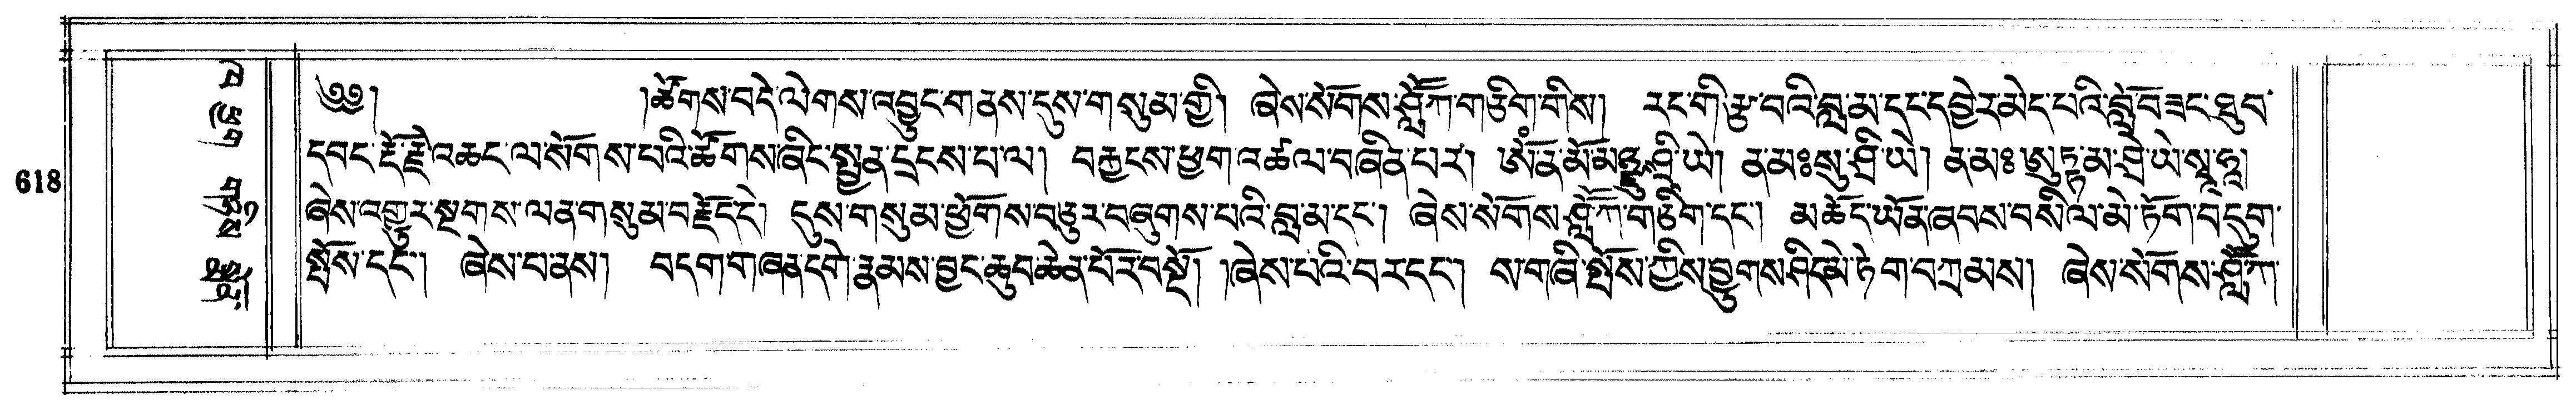༄༅། །ཚོགས་བདེ་ལེགས་འབྱུང་གནས་དུས་གསུམ་གྱི། ཞེས་སོགས་ཤོལོཀ་གཅིག་གིས། རང་གི་རྩ་བའི་བླ་མ་དང་དབྱེར་མེད་པའི་བློ་བཟང་ཐུབ་
དབང་རྡོ་རྗེ་འཆང་ལ་སོགས་པའི་ཚོགས་ཞིང་སྤྱན་དྲངས་པ་ལ། བརྐྱངས་ཕྱག་འཚལ་བཞིན་པར། ཨོཾ་ན་མོ་མཉྫུ་ཤྲི་ཡེ། ན་མཿ སུ་ཤྲི་ཡེ། ན་མཿ ཨུཏྟ་མ་ཤྲེ་ཡེ་སྭཱ་ཧཱ།
ཞེས་འགྱུར་སྔགས་ལན་གསུམ་བརྗོད་དེ། དུས་གསུམ་ཕྱོགས་བཅུར་བཞུགས་པའི་བླ་མ་དང་། ཞེས་སོགས་ཤླཽ་ཀ་གཅིག་དང་། མཆོད་ཡོན་ཞབས་བསིལ་མེ་ཏོག་བདུག་
སྤོས་དང་། ཞེས་པ་ནས། བདག་གཞན་དགེ་རྣམས་བྱང་ཆུབ་ཆེན་པོར་བསྔོ། །ཞེས་པའི་བར་དང་། ས་གཞི་སྤོས་ཀྱིས་བྱུགས་ཤིད་མེ་ཏེག་བཀྲམས། ཞེས་སོགས་ཤླཽ་ཀ་